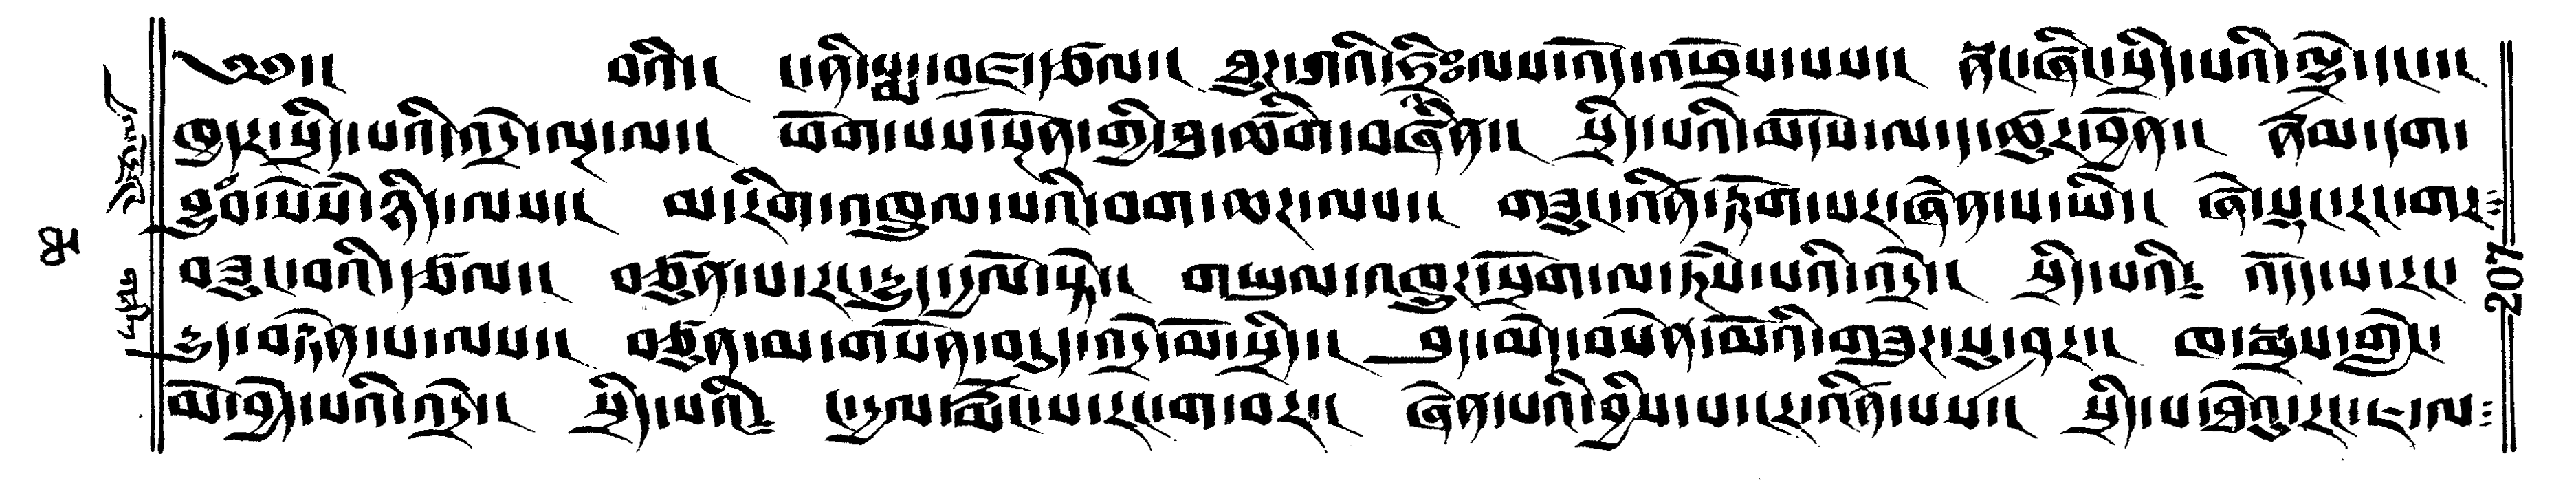བའི། །ང་ནི་པདྨ་བཛྲ་རྩལ། །ཐུགས་ཀའི་ཧྲཱིཿལས་འོད་འཕྲོས་པས། །སྣང་ཞིང་སྲིད་པའི་ལྷ་འདྲེ་དང་། 
ཁྱད་པར་སྲིད་པའི་འདྲེ་ལྔ་ལ། །ཕོག་པས་སྔོན་གྱི་ཐ་ཚིག་བཞིན། །སྲིད་པའི་མདོས་ལ་ད་ཚུར་བྱོན། །རྣམ་དག་
བྱང་ཆུབ་སེམས་ཉིད་ལས། །མ་རིག་འཁྲུལ་པའི་བག་ཆགས་ལས། །གཟུང་འཛིན་རྟོག་པར་ཞེན་པ་ཡི། །ཞེ་སྡང་རང་གར་
བཟུང་བའི་རྩལ། །བཙུན་པ་རང་རྒྱུད་རྒྱལ་པོ་སྟེ། །གཡུལ་འཁྲུགས་སྲོག་ལ་རྔམས་པའི་འདྲེ།སྲིད་པའི༴ འདོད་པ་རང་
རྒྱུད་བརྟེན་པ་ལས། །བཙུན་མ་གསོན་བདུད་འདྲེ་མོ་སྲིད། །བུད་མེད་བསེན་མོའི་གཟུགས་སུ་ཤར། །ཁ་སྨྲས་གླེང་
མོ་བྱེད་པའི་འདྲེ། །སྲིད་པའི༴ ང་རྒྱལ་རྨོངས་པ་རང་ག་བར། །ཞེན་པའི་བྱིས་པ་ངར་འཛིན་པས། །སྲིད་པ་ཐེའུ་རང་ཇ་ལ་